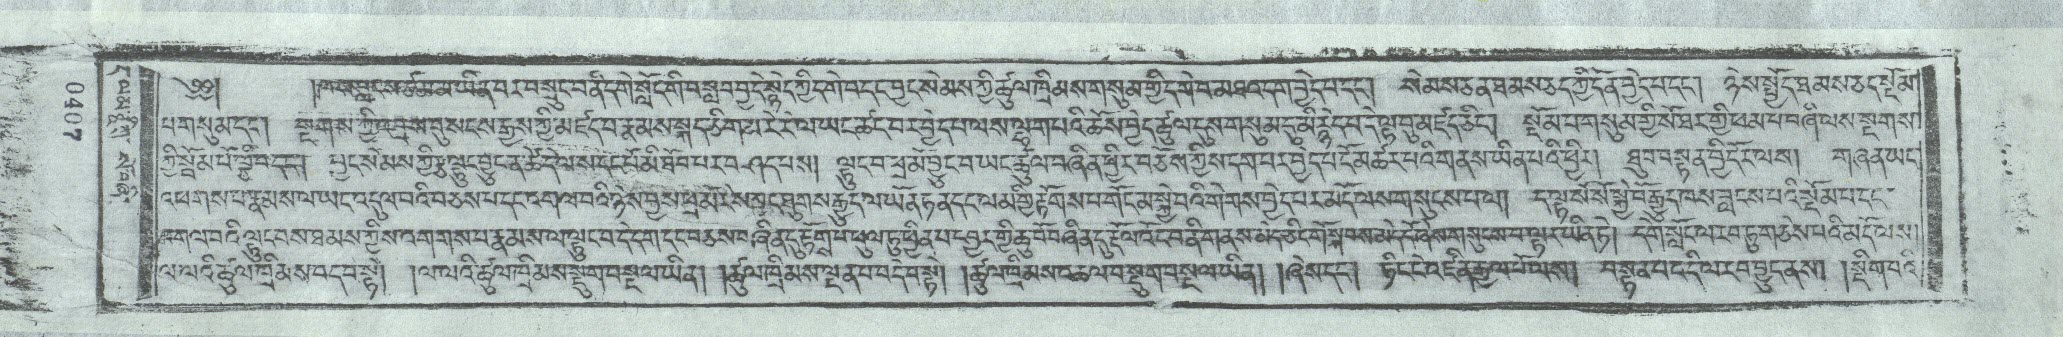༄༅། །ཁས་བླངས་ཙམ་མ་ཡིན་བར་བསྲུང་བ་ནི་དགེ་སློང་གི་བཟླབ་བྱ་དེ་སྙེད་ཀྱི་དགེ་བ་དང་བྱང་སེམས་ཀྱི་ཚུལ་ཁྲིམས་གསུམ་གྱི་དགེ་བ་མཐའ་དག་བྱེད་བ་དང་། སེམས་ཅན་ཐམས་ཅད་ཀྱི་དོན་བྱེད་པ་དང་། ཉེས་སྤྱོད་ཐམས་ཅད་སྔོམ་
པ་གསུམ་དང་། སྔགས་ཀྱི་འགྲར་དུ་སངས་རྒྱས་ཀྱི་མཛད་པ་རྣམས་སྐད་ཅིག་མ་རེ་རེ་ལ་ཡང་ཚང་བར་བྱེད་བ་ལས་ལྷག་པའི་ཆོས་བྱེད་ཚུལ་དུས་གསུམ་དུ་མི་རྙེད་པ་དེ་ལྟ་བུ་མཛད་ཅིང་། སྡོམ་པ་གསུམ་གྱི་སོ་ཐར་གྱི་ཕམ་པ་བཞི་ལས་སྔགས་
ཀྱི་སྦོམ་པོ་ལྕི་བ་དང་། བྱང་སེམས་ཀྱི་རྩ་ལྟུང་བྱུང་ན་ཚེ་དེ་ལས་དང་པོ་མི་ཐོབ་པར་བཤད་པས། ལྟུང་བ་དྲ་མོ་བྱུང་བ་ཡང་ཚུལ་བཞིན་ཕྱིར་བཅོས་ཀྱིས་དག་པར་བྱེད་པ་ངོ་མཚར་པའི་གནས་ཡིན་པའི་ཕྱིར། ཐུབ་བསྟན་བྱི་དོར་ལས། གཞན་ཡང་
འཕགས་པ་རྣམས་ལ་ཡང་འདུལ་བའི་བཅས་པ་དང་འགལ་བའི་ཉེས་བྱས་ཕྲ་མོ་རིས་ཀྱང་ཐུགས་རྒྱུད་ལ་ཡོན་ཏན་དང་ལམ་གྱི་རྟོགས་པ་གོང་མ་སྐྱེ་བའི་གེགས་བྱེད་པར་མདོ་ལས་གསུངས་པ་ལ། ད་ལྟ་སོ་སོ་སྐྱེ་བོ་རྒྱུད་ཁས་ཟླངས་པའི་སྡོམ་པ་དང་
འགལ་བའི་ལྟུང་བས་ཐམས་ཀྱིས་འགགས་པ་རྣམས་ལ་ལྟུང་བ་དེ་དག་དང་བཅས་བཞིན་ཏུ་རྟོགས་པ་ཕུལ་ཏུ་ཕྱིན་པ་དབྱད་གྱི་ཆུ་བོ་བཞིན་དུ་རྡོལ་འོང་བ་ནི་གནས་མེད་ཅིང་གོ་སྐབས་མེད་དོ་ཞེས་གསུངས་པ་ལྟར་ཡིན་ཏེ། དགེ་སློང་ལ་རབ་ཏུ་གཅེས་པའི་མདོ་ལས།
ལ་ལའི་ཚུལ་ཕྲིམས་བདབ་སྟེ། །ལ་ལའི་ཚུལ་ཁྲིམས་སྡུག་བསྔལ་ཡིན། །ཚུལ་ཁྲིམས་ལྡན་པ་བདེ་བ་སྟེ། །ཚུལ་ཁྲིམས་འཆལ་བ་སྡུག་བསྔལ་ཡིན། །ཞེས་དང་། ཏིང་ངེ་འཛིན་རྒྱལ་པོ་ལས། བསྟན་པ་འདི་ལ་རབ་བྱུང་ནས། །སྡིག་པའི་